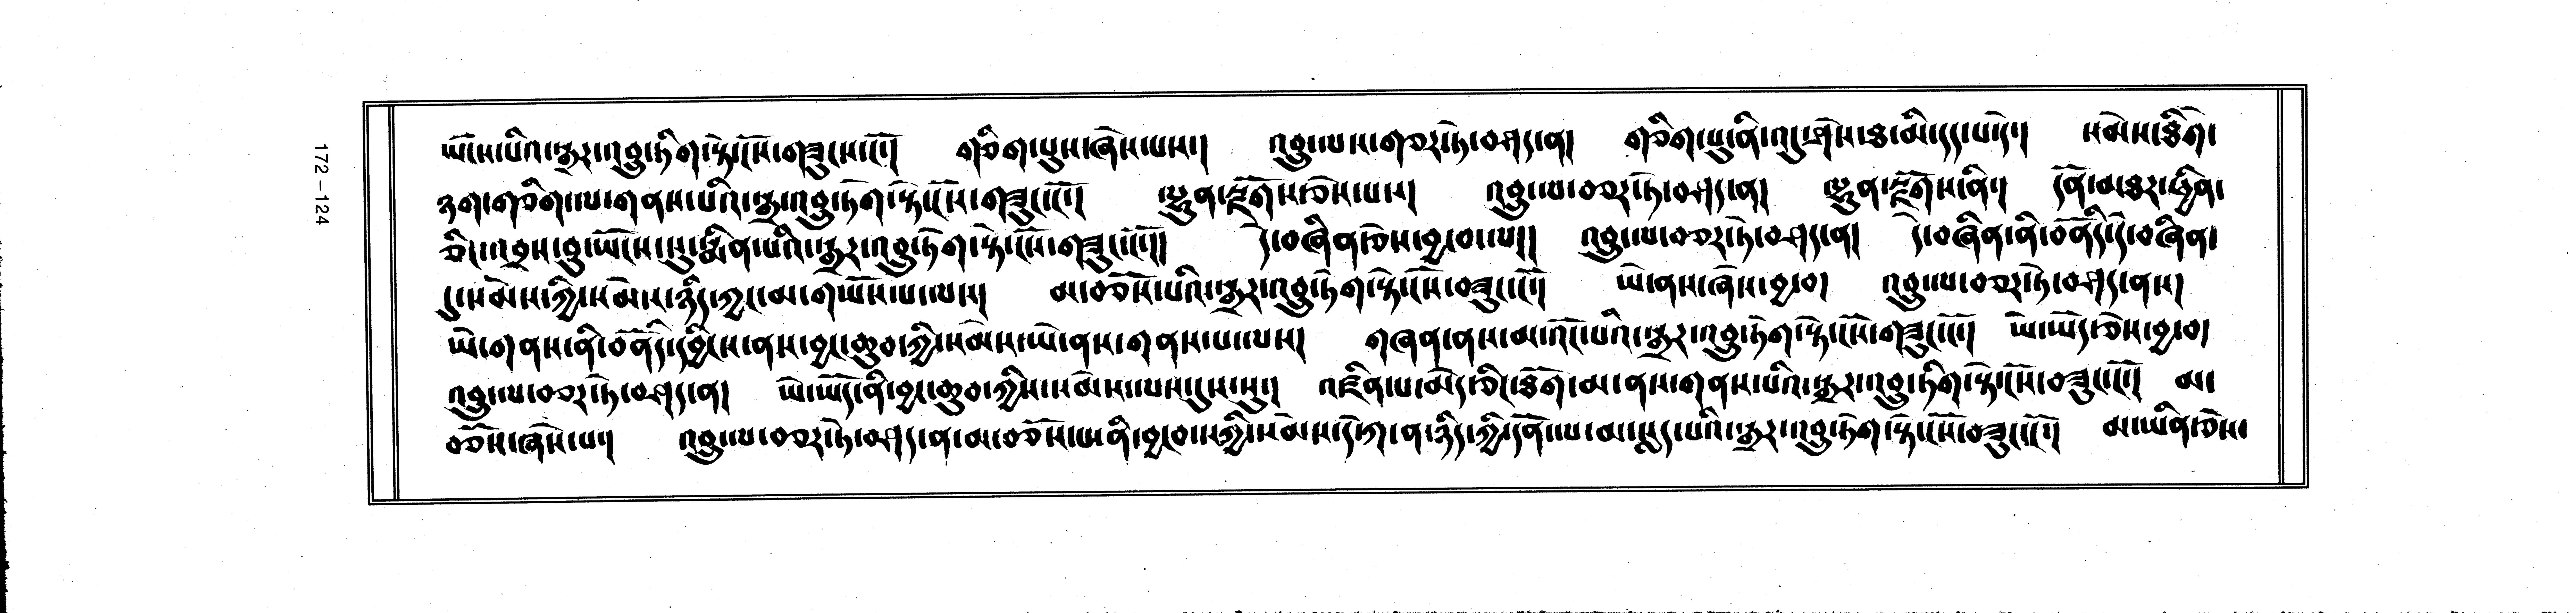ཡོངས་པའི་སྒྲར་འབྲུ་ཏིག་སྟེ་ངོས་གཟུངས་ངོ་། གཅིག་པུས་ཞེས་པས། འབྲུ་ལས་གཅར་ཏེ་བཤད་ན། གཅིག་པུ་ནི་འདུ་ཤེས་ཐ་མི་དད་པ་དེ། སེམས་ཐིག་ལེ་
ཉག་གཅིག་ལ་གནས་པའི་སྒྲ་འབྲུ་ཏིག་སྟེ་ངོས་གཟུངས་ངོ་། ལྷུན་རྫོགས་ཅེས་པས། འབྲུ་ལ་བཅར་ཏེ་བཤད་ན། ལྷུན་རྫོགས་ནི། དོན་མཐར་ཕྱིན་
ཅིང་འབྲས་བུ་ཡོངས་སུ་སྨིན་པའི་སྒྲར་འབྲུ་ཏིག་སྟེ་ངོས་གཟུངས་ངོ་། དེ་བཞིན་ཅེས་བྱ་བ་ལ། འབྲུ་ལ་བཅར་ཏེ་བཤད་ན། དེ་བཞིན་ནི་བོན་ཉིད་དེ་བཞིན་
དུ་སེམས་ཀྱི་སེམས་ཉིད་ཀྱང་མ་གཡོས་པ་ལས། མ་བཅོས་པའི་སྒྲར་འབྲུ་ཏིག་སྟེ་ངོས་གཟུངས་ངོ་། ཡེ་ནས་ཞེས་བྱ་བ། འབྲུ་ལ་བཅར་ཏེ་བཤད་ནས། 
ཡེ་གནས་ནི་བོན་ཉིད་དབྱིངས་ནས་བྱང་ཆུབ་ཀྱིས་སེམས་ཡེ་ནས་གནས་པ་ལས། གཞན་ནས་མ་འོང་པའི་སྒྲར་འབྲུ་ཏིག་སྟེ་ངོས་གཟུངས་ངོ་། ཡེ་ཡོད་ཅེས་བྱ་བ། 
འབྲུ་ལ་བཅར་ཏེ་བཤད་ན། ཡེ་ཡོད་ནི་བྱང་ཆུབ་ཀྱིས་སེམས་ལས་དུས་སུ། འཛིན་པ་མེད་ཅིང་ཐོག་མ་ནས་གནས་པའི་སྒྲར་འབྲུ་ཏིག་སྟེ་ངོས་གཟུངས་ངོ་། མ་
བཅོས་ཞེས་པ། འབྲུ་ལ་བཅར་ཏེ་བཤད་ན་མ་བཅོས་པ་ནི་བྱང་ཆུབ་ཀྱིས་སེམས་དེ་ཀ་ན་ཉིད་ཀྱི་དོན་ལ་མ་སླད་པའི་སྒྲར་འབྲུ་ཏིག་སྟེ་ངོས་གཟུངས་ངོ་། མ་ཡིན་ཅེས་